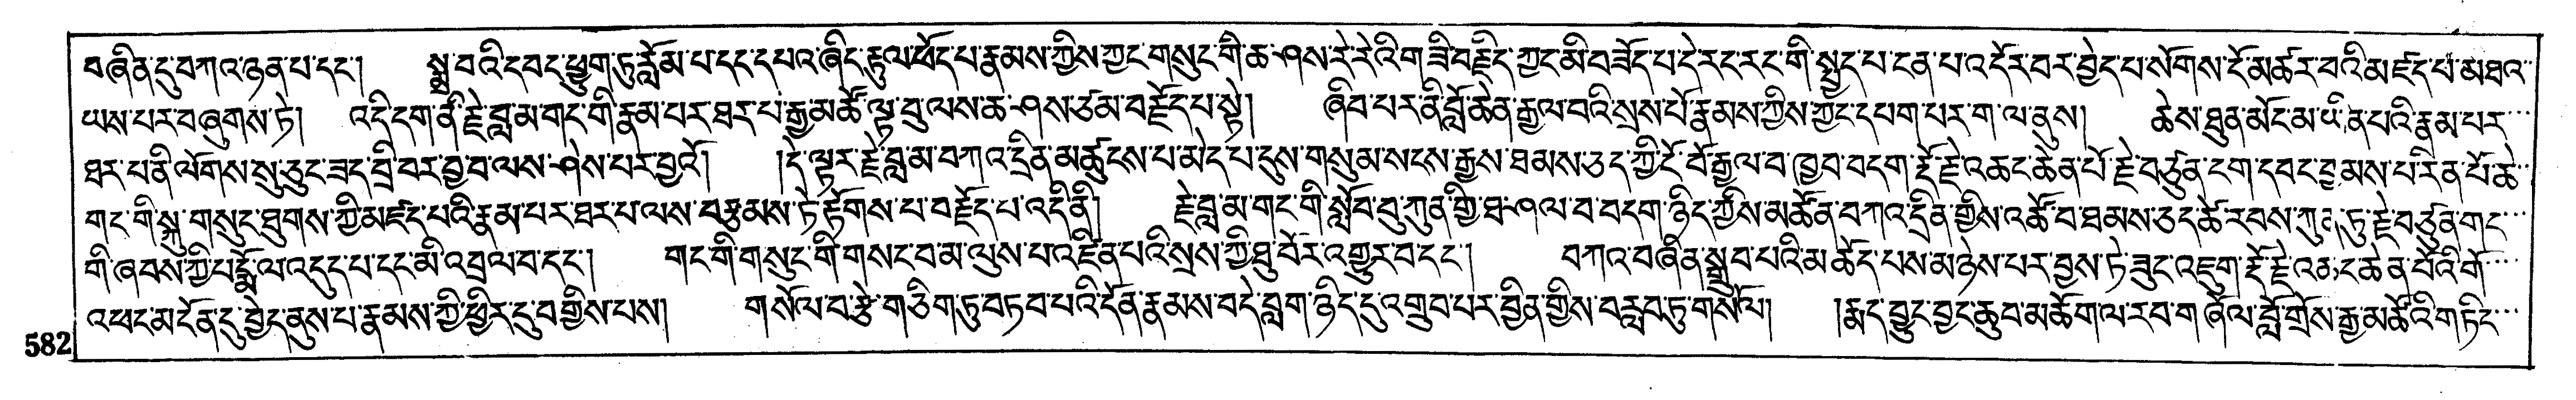བཞིན་དུ་བཀའ་ཉན་པ་དང་། སྨྲ་པའི་དབང་ཕྱུག་ཏུ་རློམ་པ་དང་དཔའ་ཞིང་རྟུལ་ཕོད་པ་རྣམས་ཀྱིས་ཀྱང་གསུང་གི་ཆ་ཤས་རེ་རེའི་གཟི་བརྗིད་ཀྱང་མི་བཟོད་པར་རང་རང་གི་སྤྱོད་པ་ངན་པ་འདོར་བར་བྱེད་པ་སོགས་ངོ་མཚར་བའི་མཛད་པ་མཐའ་
ཡས་པར་བཞུགས་ཏེ། འདི་དག་ནི་རྗེ་བླ་མ་གང་གི་རྣམ་པར་ཐར་པ་རྒྱ་མཚོ་ལྟ་བུ་ལས་ཆ་ཤས་ཙམ་བརྗོད་པ་སྟེ། ཞིབ་པར་ནི་བློ་ཆེན་རྒྱལ་བའི་སྲས་པོ་རྣམས་ཀྱིས་ཀྱང་དཔག་པར་ག་ལ་ནུས། ཆེས་ཐུན་མོང་མ་ཡིན་པའི་རྣམ་པར་
ཐར་པ་ནི་ལོགས་སུ་ཅུང་ཟད་བྲི་བར་བྱ་བ་ལས་ཤེས་པར་བྱའོ། །དེ་ལྟར་རྗེ་བླ་མ་བཀའ་དྲིན་མཚུངས་པ་མེད་པ་དུས་གསུམ་སངས་རྒྱས་ཐམས་ཅད་ཀྱི་ངོ་བོ་རྒྱལ་བ་ཁྱབ་བདག་རྡོ་རྗེ་འཆང་ཆེན་པོ་རྗེ་བཙུན་ངག་དབང་བྱམས་པ་རིན་པོ་ཆེ་
གང་གི་སྐུ་གསུང་ཐུགས་ཀྱི་མཛད་པའི་རྣམ་པར་ཐར་པ་ལས་བརྩམས་ཏེ་རྟོགས་པ་བརྗོད་པ་འདི་ནི། རྗེ་བླ་མ་གང་གི་སློབ་བུ་ཀུན་གྱི་ཐ་ཤལ་བ་བདག་ཉིད་ཀྱིས་མཚོན་བཀའ་དྲིན་གྱིས་འཚོ་བ་ཐམས་ཅད་ཚེ་རབས་ཀུན་ཏུ་རྗེ་བཙུན་གང་
གི་ཞབས་ཀྱི་པདམོ་ལ་འདུད་པ་དང་མི་འབྲལ་བ་དང་། གང་གི་གསུང་གི་གསང་བམ་ལུས་པ་འཛིན་པའི་སྲས་ཀྱི་ཐུ་བོར་འགྱུར་པ་དང་། བཀའ་བཞིན་སྒྲུབ་པའི་མཆོད་པས་མཉེས་པར་བྱས་ཏེ་ཟུང་འཇུག་རྡོ་རྗེ་འཆང་ཆེན་པོའི་གོ་
འཕང་མངོན་དུ་བྱེད་ནུས་པ་རྣམས་ཀྱི་ཕྱིར་དུ་བགྱིས་པས། གསོལ་བ་རྩེ་གཅིག་ཏུ་བཏབ་པའི་དོན་རྣམས་བདེ་བླག་ཉིད་དུ་འགྲུབ་པར་བྱིན་གྱིས་བརླབ་ཏུ་གསོལ། །རྨད་བྱུང་བྱང་ཆུབ་མཆོག་ལ་རབ་གཞོལ་བློ་གྲོས་རྒྱ་མཚོའི་གཏིང་